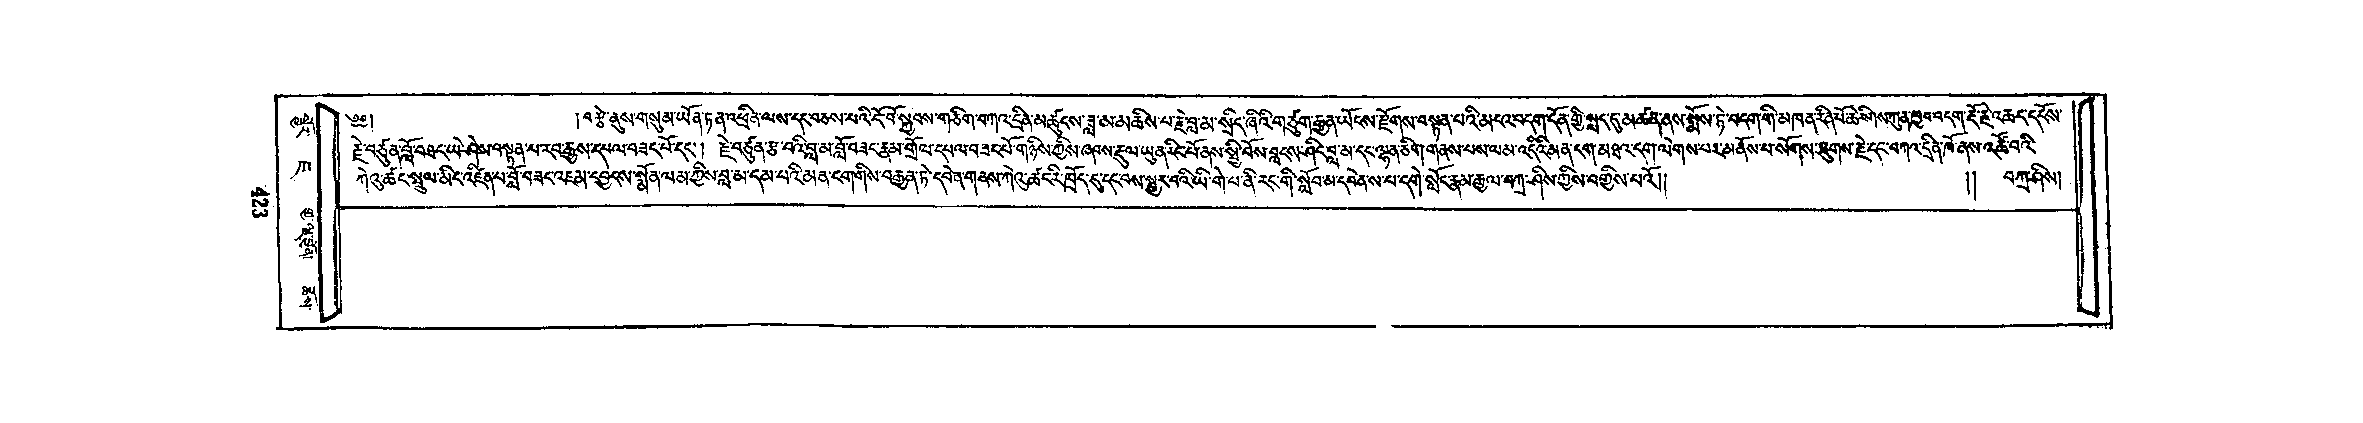༄༅། །བརྩེ་ནུས་གསུམ་ཡོན་ཏན་འཕྲིན་ལས་དང་བཅས་པའི་ངོ་བོ་སྐྱབས་གཅིག་བཀའ་དྲིན་མཚུངས་ཟླ་མ་མཆིས་པ་རྗེ་བླ་མ་སྲིད་ཞིའི་གཙུག་རྒྱན་ཡོངས་རྫོགས་བསྟན་པའི་མངའ་བདག་དོན་གྱི་སླད་དུ་མཚན་ནས་སྨོས་ཏེ་བདག་གི་མཁན་རིན་པོ་ཆེ་རིགས་ཀུན་ཁྱབ་བདག་རྡོ་རྗེ་འཆང་དངོས་
རྗེ་བཙུན་བློ་བཟང་ཡེ་ཤེས་བསྟན་པ་རབ་རྒྱས་དཔལ་བཟང་པོ་དང་། རྗེ་བཙུན་རྩ་བའི་བླ་མ་བློ་བཟང་རྣམ་གྲོལ་དཔལ་བཟང་པོ་གཉིས་ཀྱིས་ཞབས་རྡུལ་ཡུན་རིང་པོ་ནས་སྤྱི་བོས་བླངས་ཤིང་བླ་མ་དང་ལྷན་ཅིག་གནས་པས་ལམ་འདིའི་མན་ངག་མཐའ་དག་ལེགས་པར་མ་ནོས་པ་སོགས་ཐུགས་རྗེ་དང་བཀའ་དྲིན་ཁོ་ནས་འཚོ་བའི་
ཀེའུ་ཚང་སྤྲུལ་མིང་འཛིན་པ་བློ་བཟང་འཇམ་དབྱངས་སྨོན་ལམ་ཀྱིས་བླ་མ་དམ་པའི་མན་ངག་གིས་བརྒྱན་ཏེ་དབེན་གནས་ཀེའུ་ཚང་རི་ཁྲོད་དུ་དང་བས་སྦྱར་བའི་ཡི་གེ་པ་ནི་རང་གི་སློབ་མ་དབེན་ས་པ་དགེ་སློང་རྣམ་རྒྱལ་བཀྲ་ཤིས་ཀྱིས་བགྱིས་པའོ།། །།བཀྲ་ཤིས།